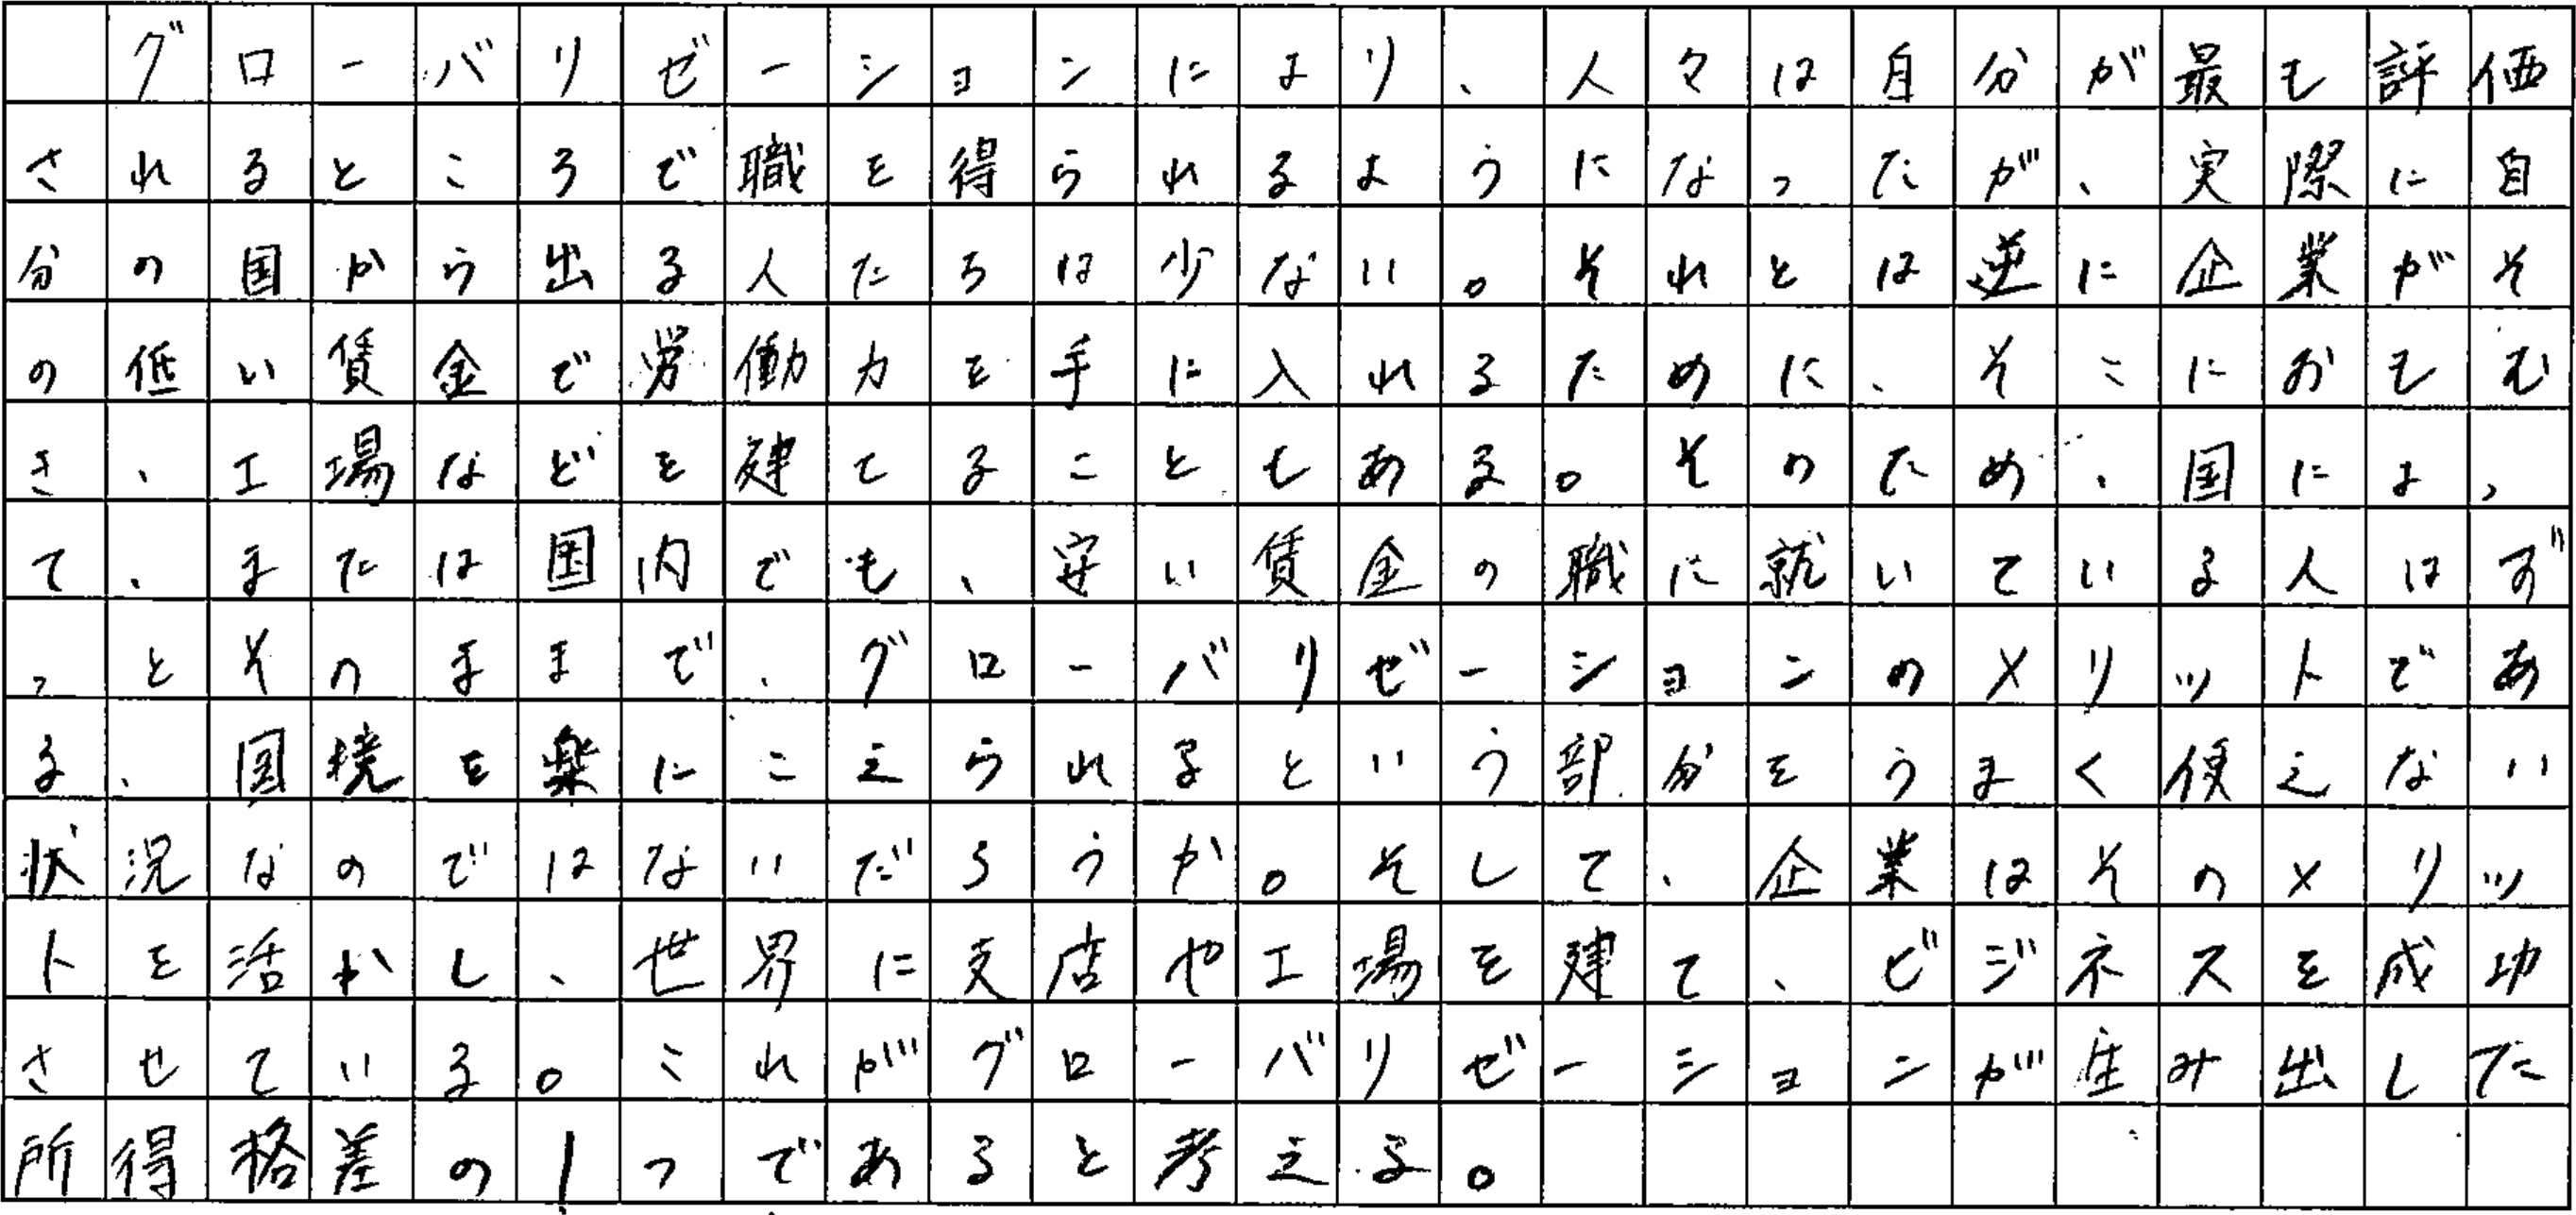　グローバリゼーションにより、人々は自分が最も評価されるところで職を得られるようになったが、実際に自分の国から出る人たちは少ない。それとは逆に企業がその低い賃金で労働力を手に入れるために、そこにおもむき、工場などを建てることもある。そのため、国によって、または国内でも、安い賃金の職に就いている人はずっとそのままで、グローバリゼーションのメリットである、国境を楽にこえられるという部分をうまく使えない状況なのではないだろうか。そして、企業はそのメリットを活かし、世界に支店や工場を建て、ビジネスを成功させている。これがグローバリゼーションが生み出した所得格差の１つであると考える。
